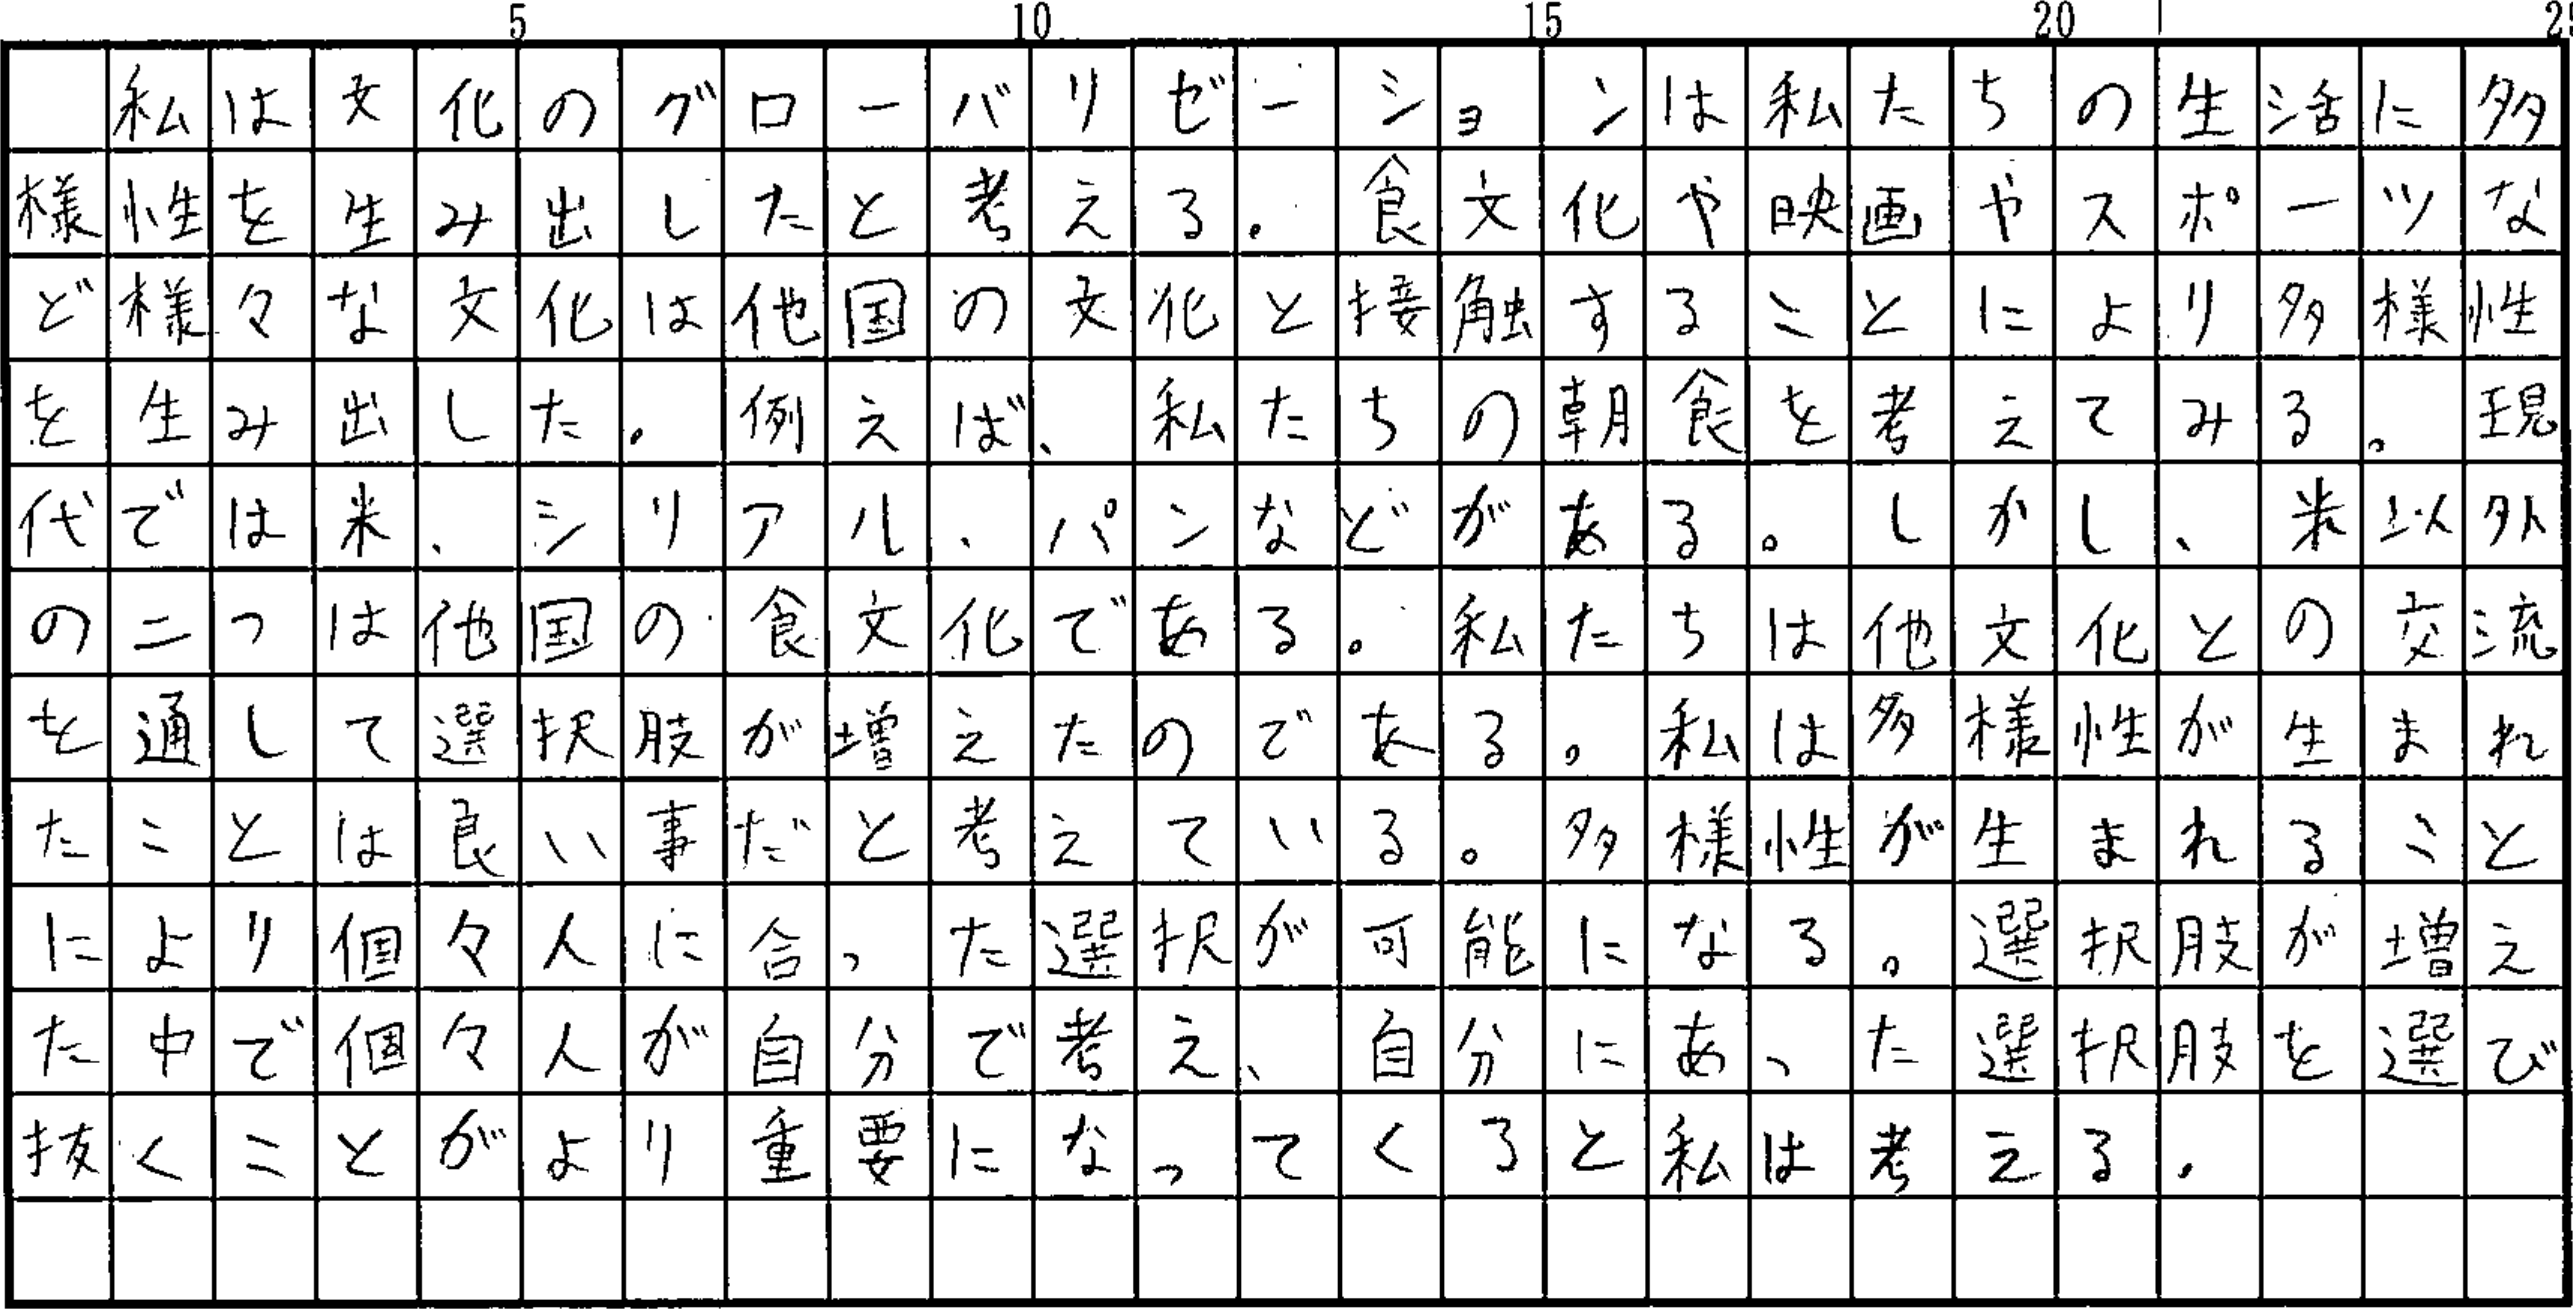　私は文化のグローバリゼーションは私たちの生活に多様性を生み出したと考える。食文化や映画やスポーツなど様々な文化は他国の文化と接触することにより多様性を生み出した。例えば、私たちの朝食を考えてみる。現代では米、シリアル、パンなどがある。しかし、米以外の二つは他国の食文化である。私たちは他文化との交流を通して選択肢が増えたのである。私は多様性が生まれたことは良い事だと考えている。多様性が生まれることにより個々人に合った選択が可能になる。選択肢が増えた中で個々人が自分で考え、自分にあった選択肢を選び抜くことがより重要になってくると私は考える。
